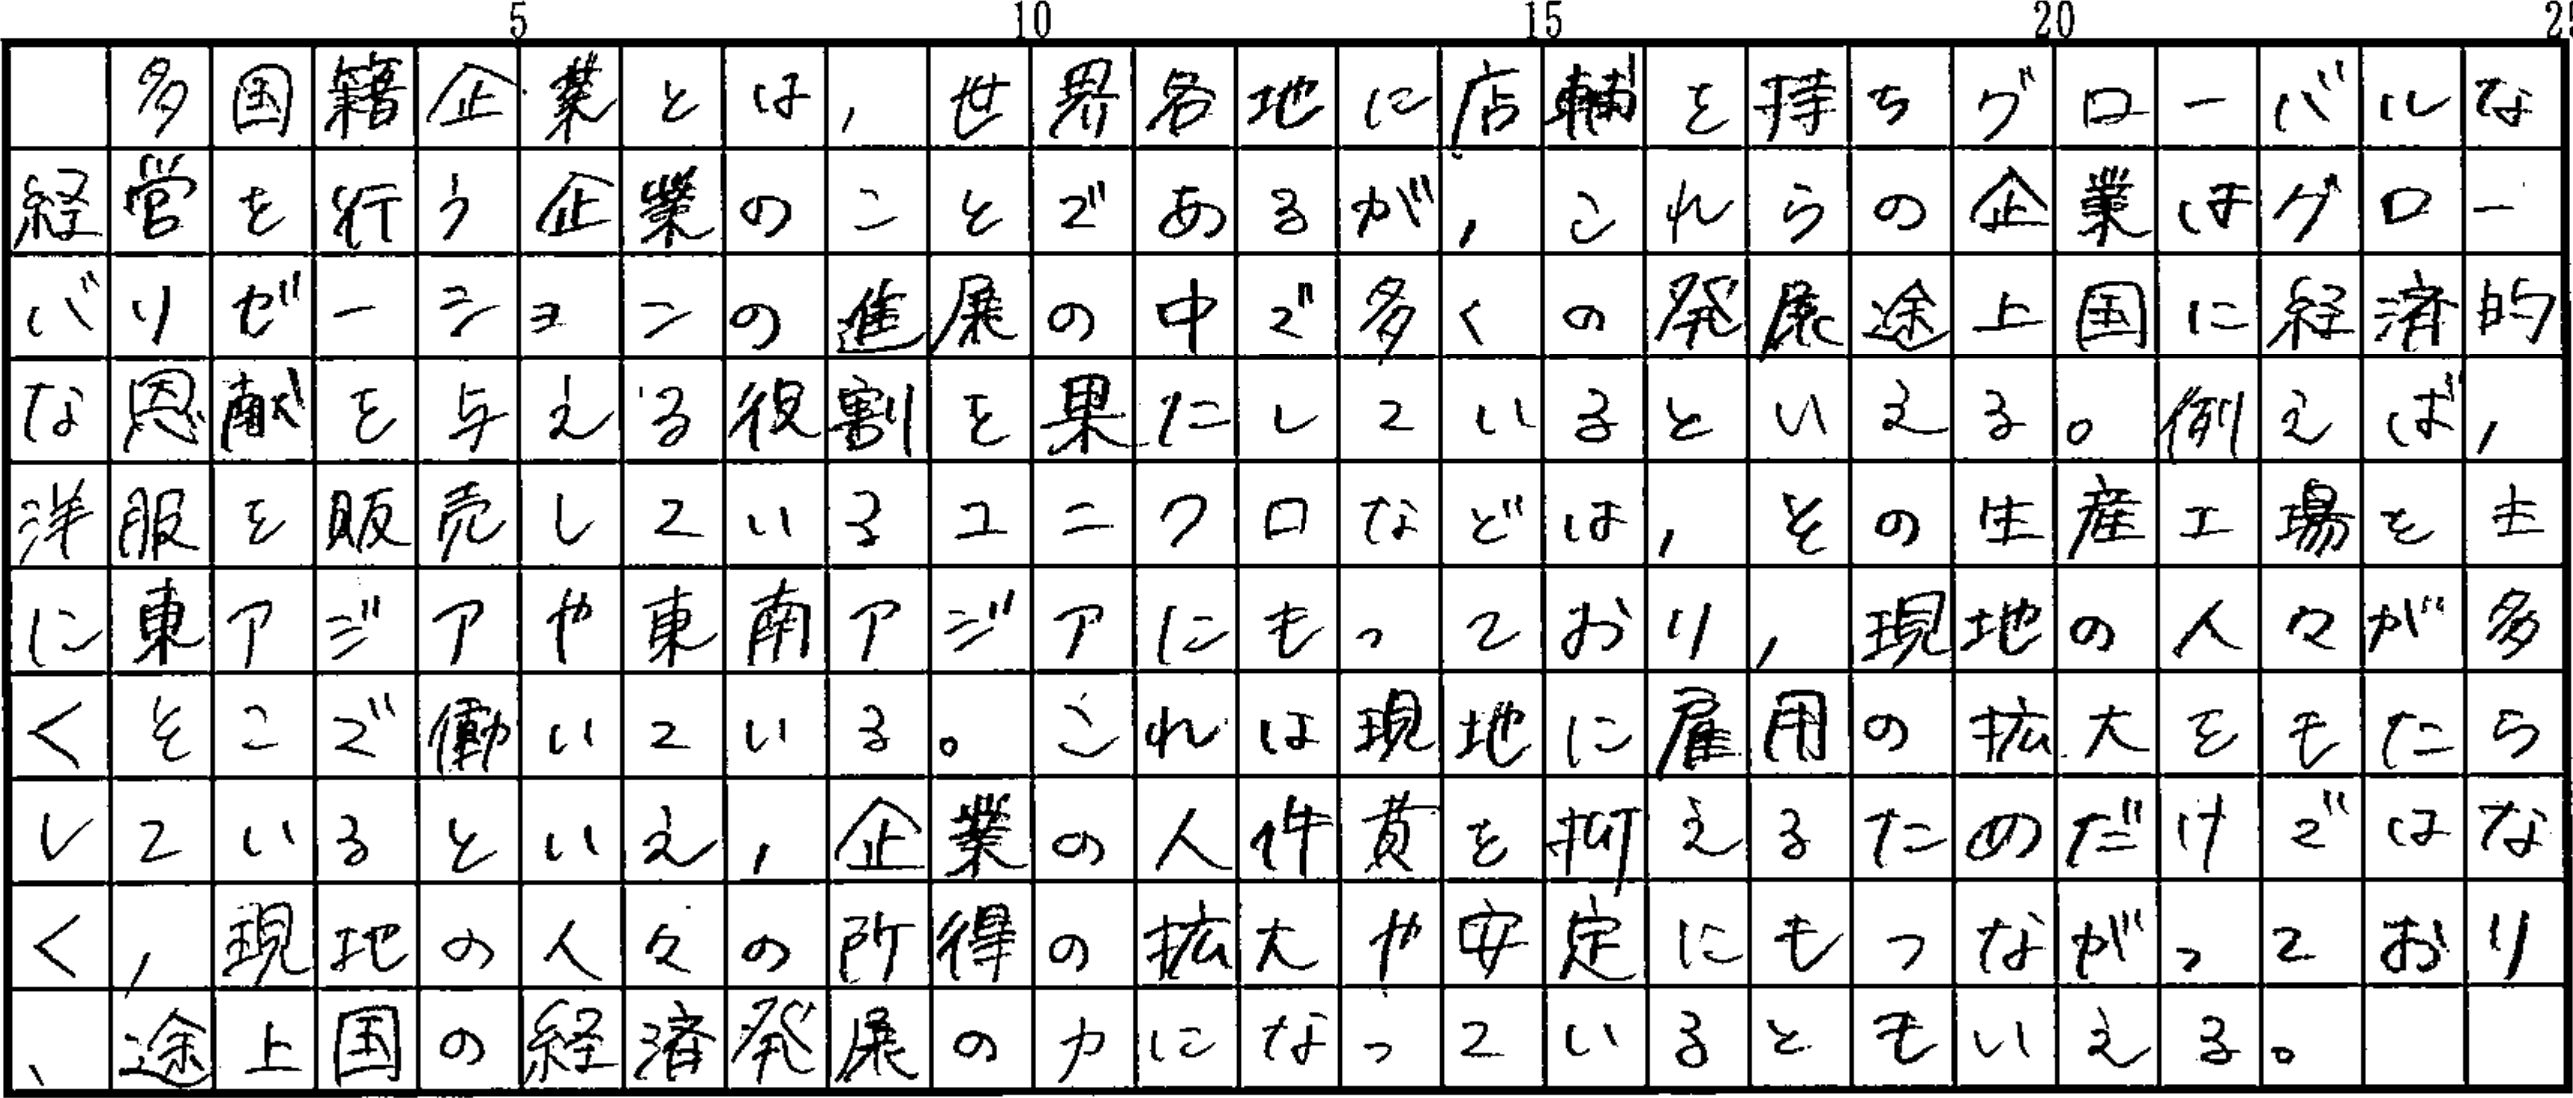　多国籍企業とは、世界各地に店▁を持ちグローバルな経営を行う企業のことであるが、これらの企業はグローバリゼーションの進▁の中で多くの発▁途上国に経済的な恩献を与える役割を果たしているといえる。例えば、洋服を販売しているユニクロなどは、その生産工場を主に東アジアや東南アジアにもっており、現地の人々が多くそこで働いている。これは現地に雇用の拡大をもたらしているといえ、企業の人件費を抑えるためだけではなく、現地の人々の所得の拡大や安定にもつながっており、途上国の経済発▁の力になっているともいえる。
